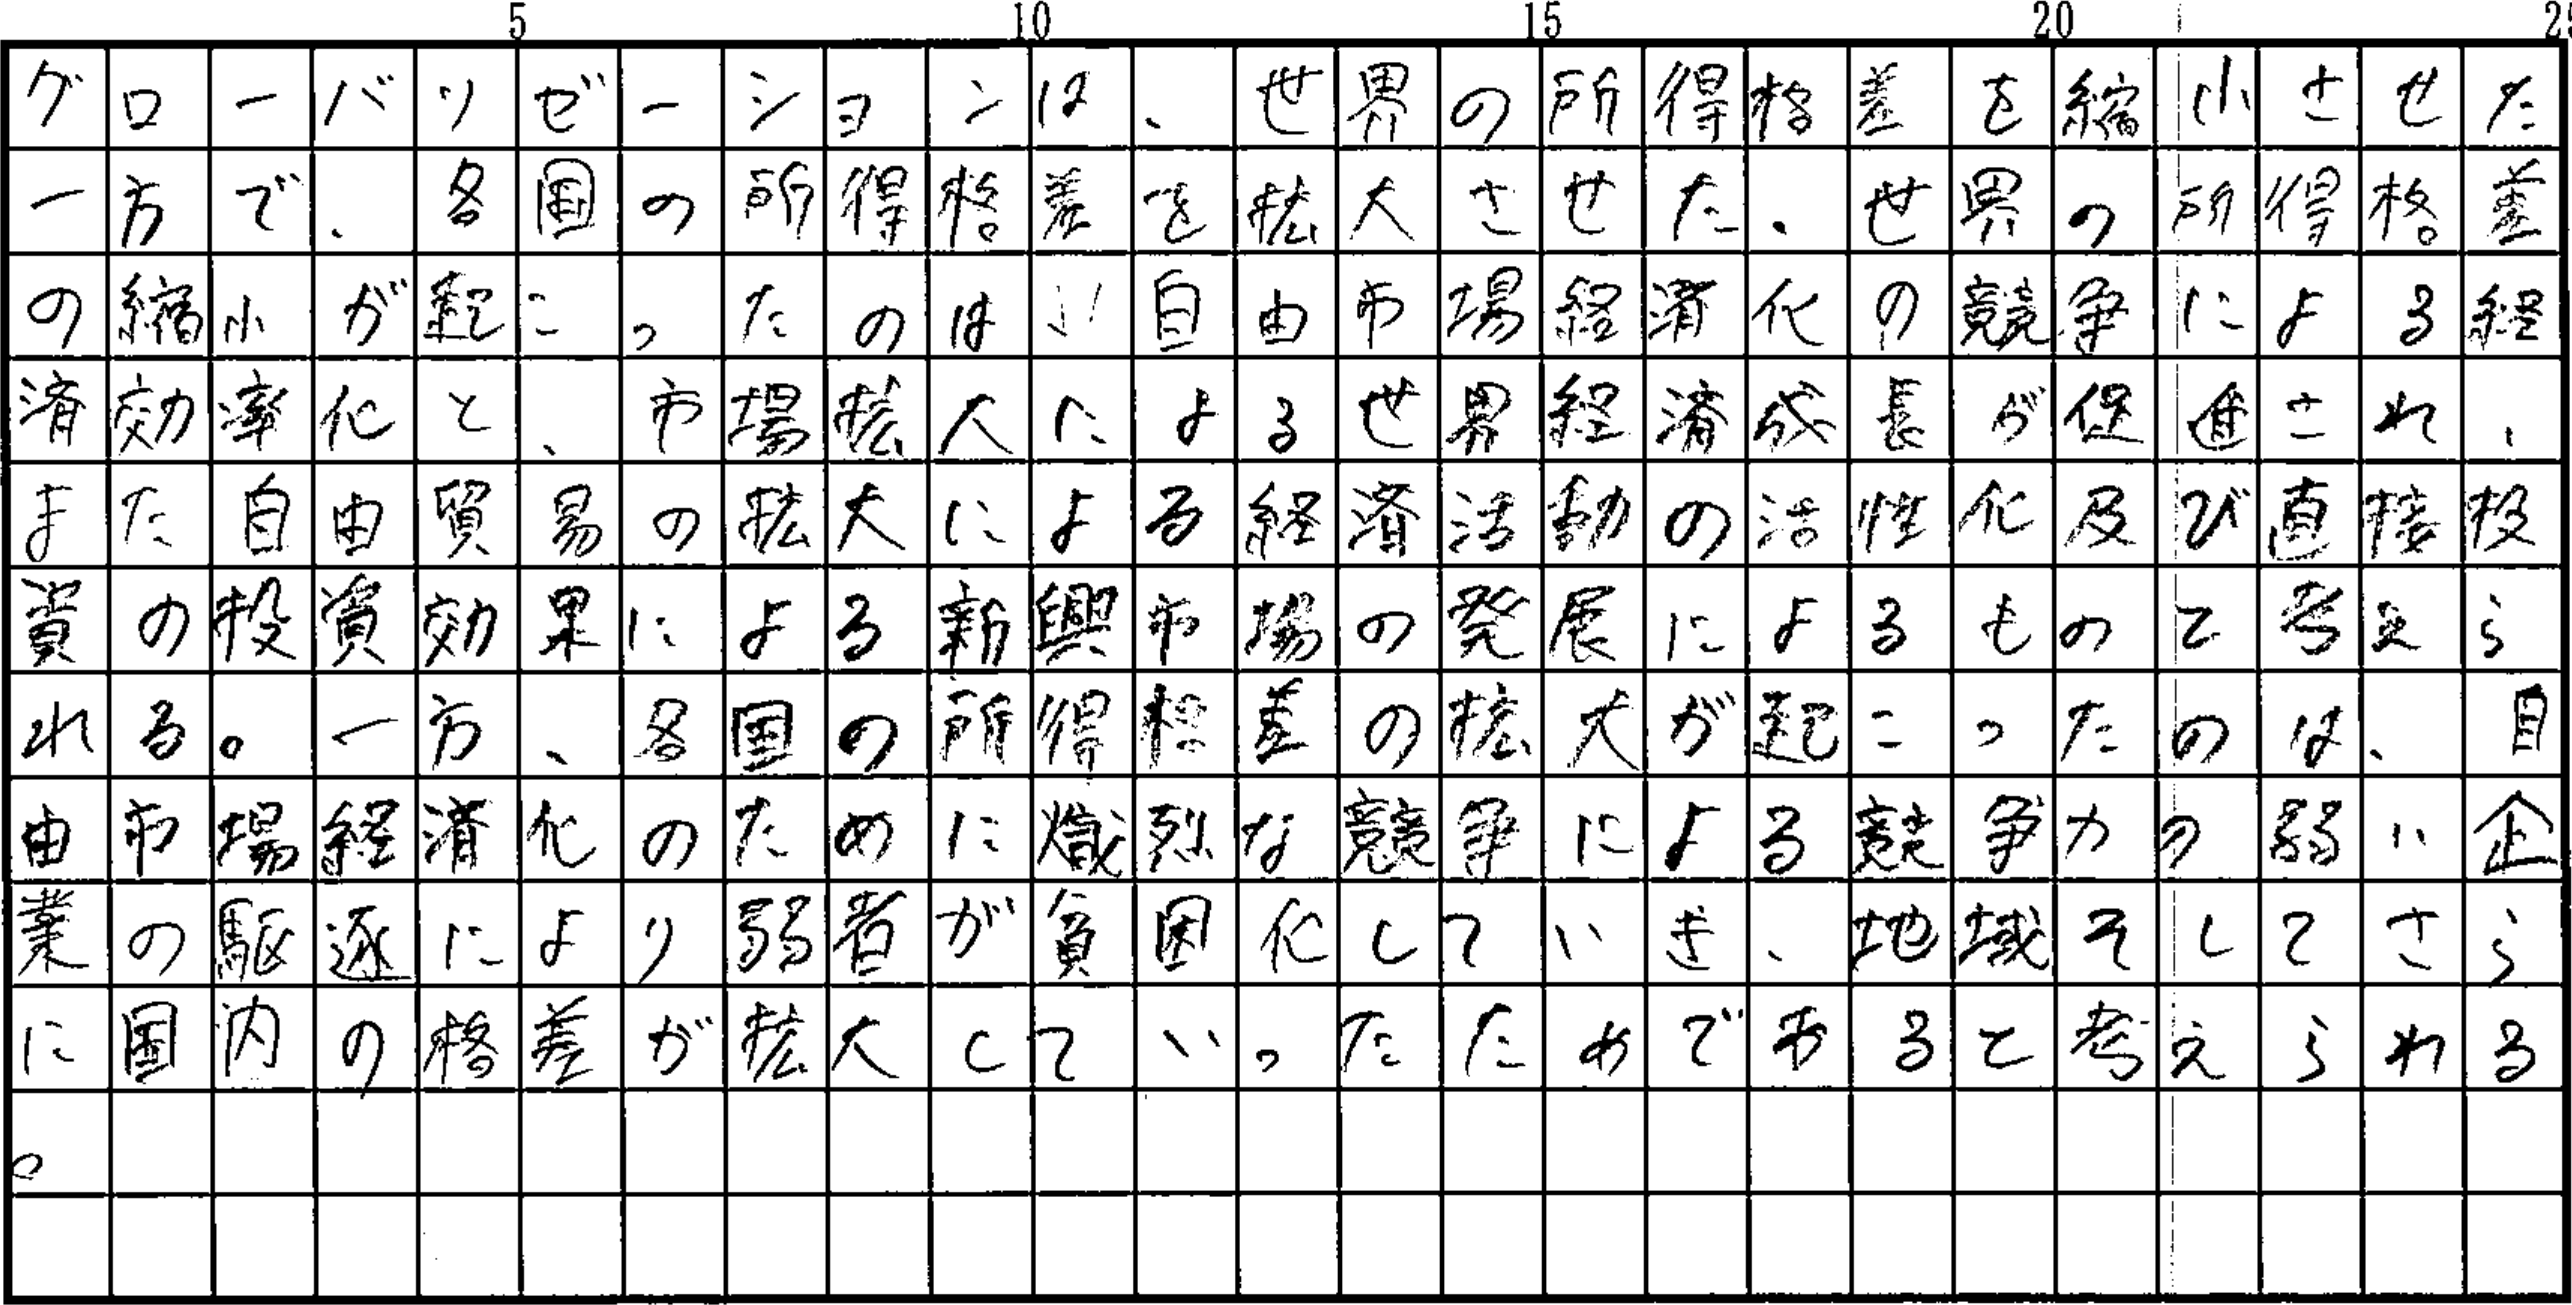グローバリゼーションは、世界の所得格差を縮小させた一方で、各国の所得格差を▁大させた。世界の所得格差の縮小が起こったのは、自由市場経済化の競争による経済効率化と、市場▁大による世界経済成長が促進され、また自由貿易の▁大による経済活動の活性化及び直接投資の投資効果による新興市場の発展によるものと考えられる。一方、各国の所得格差の▁大が起こったのは、自由市場経済化のために熾烈な競争による競争力の弱い企業の駆逐により弱者が貧困化していき、地域そしてさらに国内の格差が▁大していったためであると考えられる。
